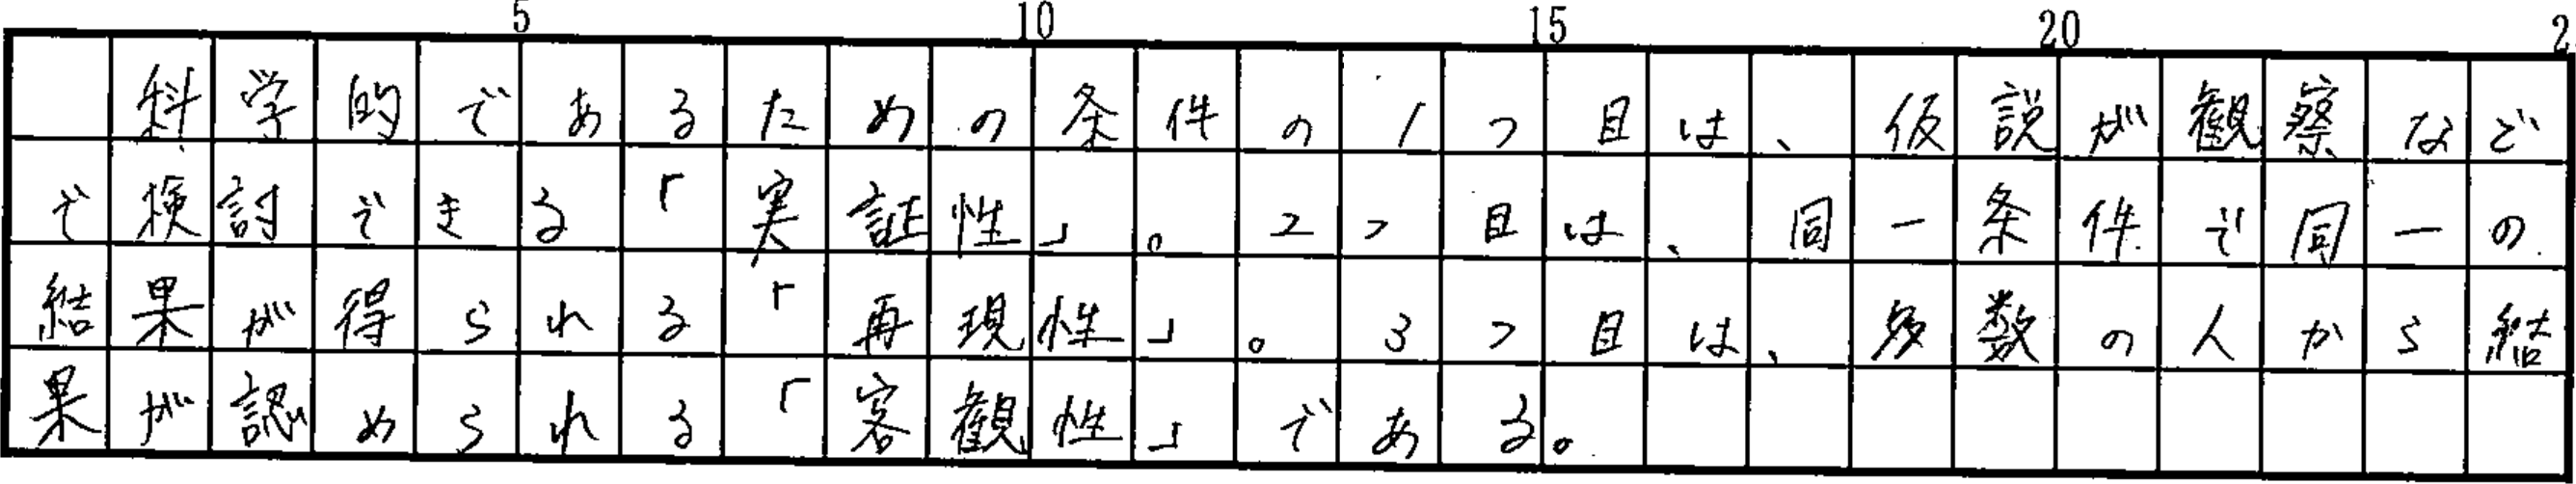　科学的であるための条件の１つ目は、仮説が観察などで検討できる「実証性」。２つ目は、同一条件で同一の結果が得られる「再現性」。３つ目は、多数の人から結果が認められる「客観性」である。
